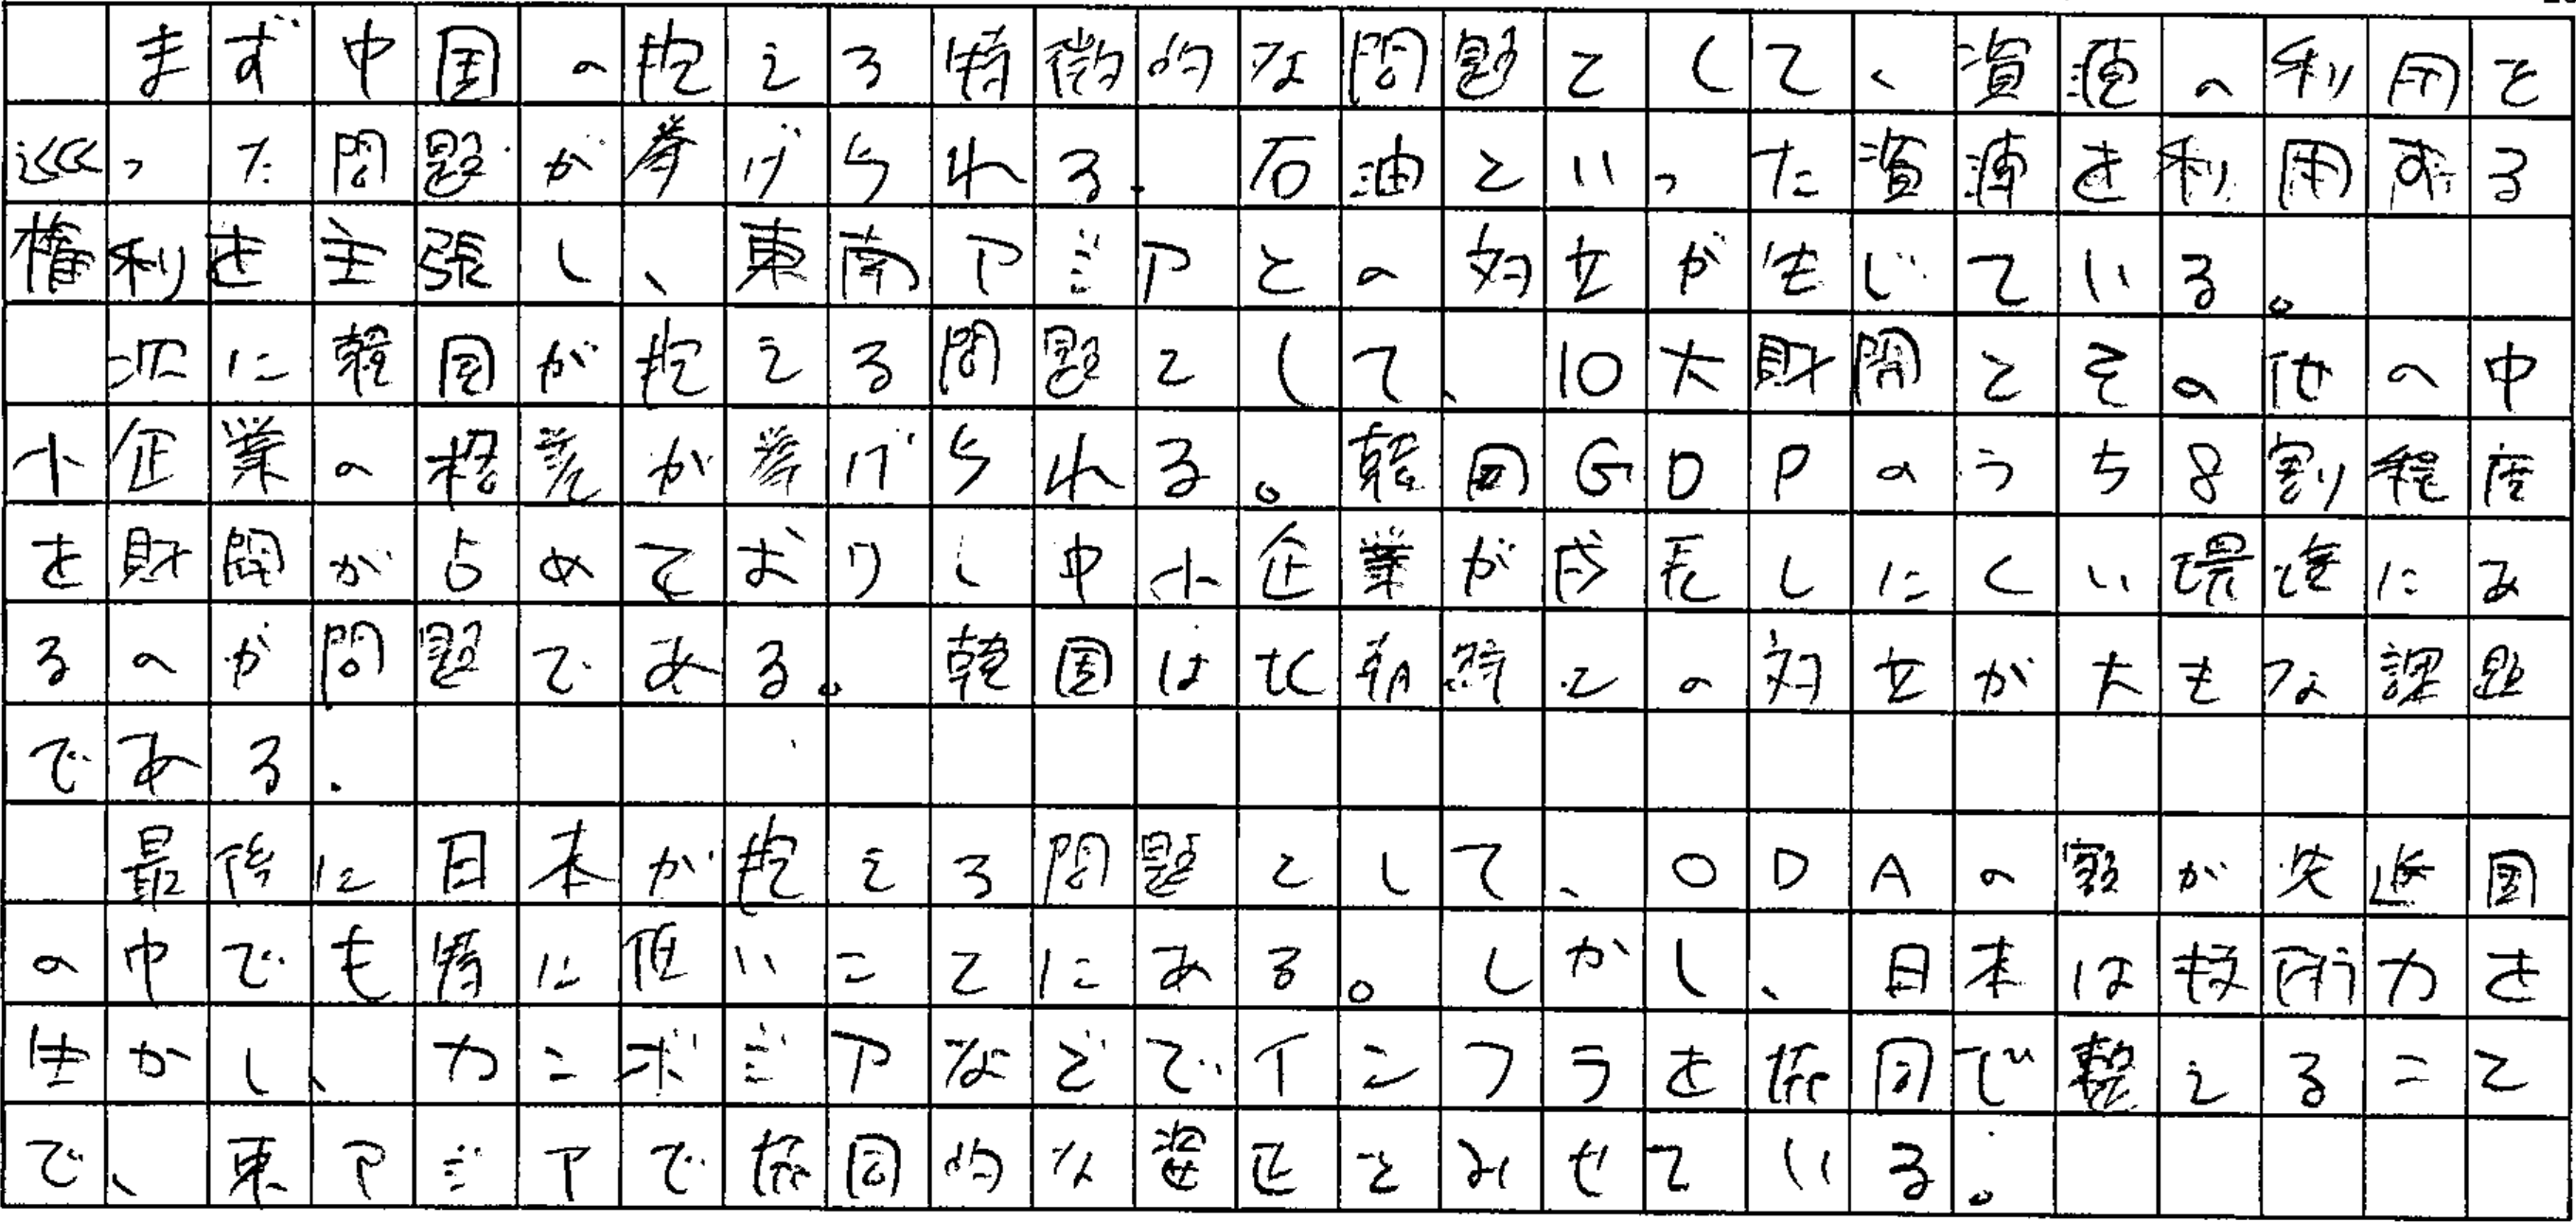　まず中国の抱える特徴的な問題として、資源の利用を巡った問題が挙げられる。石油といった資源を利用する権利を主張し、東南アジアとの対立が生じている。
　次に韓国が抱える問題として、１０大財▁とその他の中小企業の格差が挙げられる。韓国ＧＤＰのうち８割程度を財閥が占めており、中小企業が▁長しにくい環境にあるのが問題である。韓国は北朝鮮との対立が大きな課題である。
　最後に日本が抱える問題として、ＯＤＡの額が先進国の中でも特に低いことにある。しかし、日本は技術力を生かし、カンボジアなどでインフラを協同で整えることで、東アジアで協同的な姿正をみせている。
